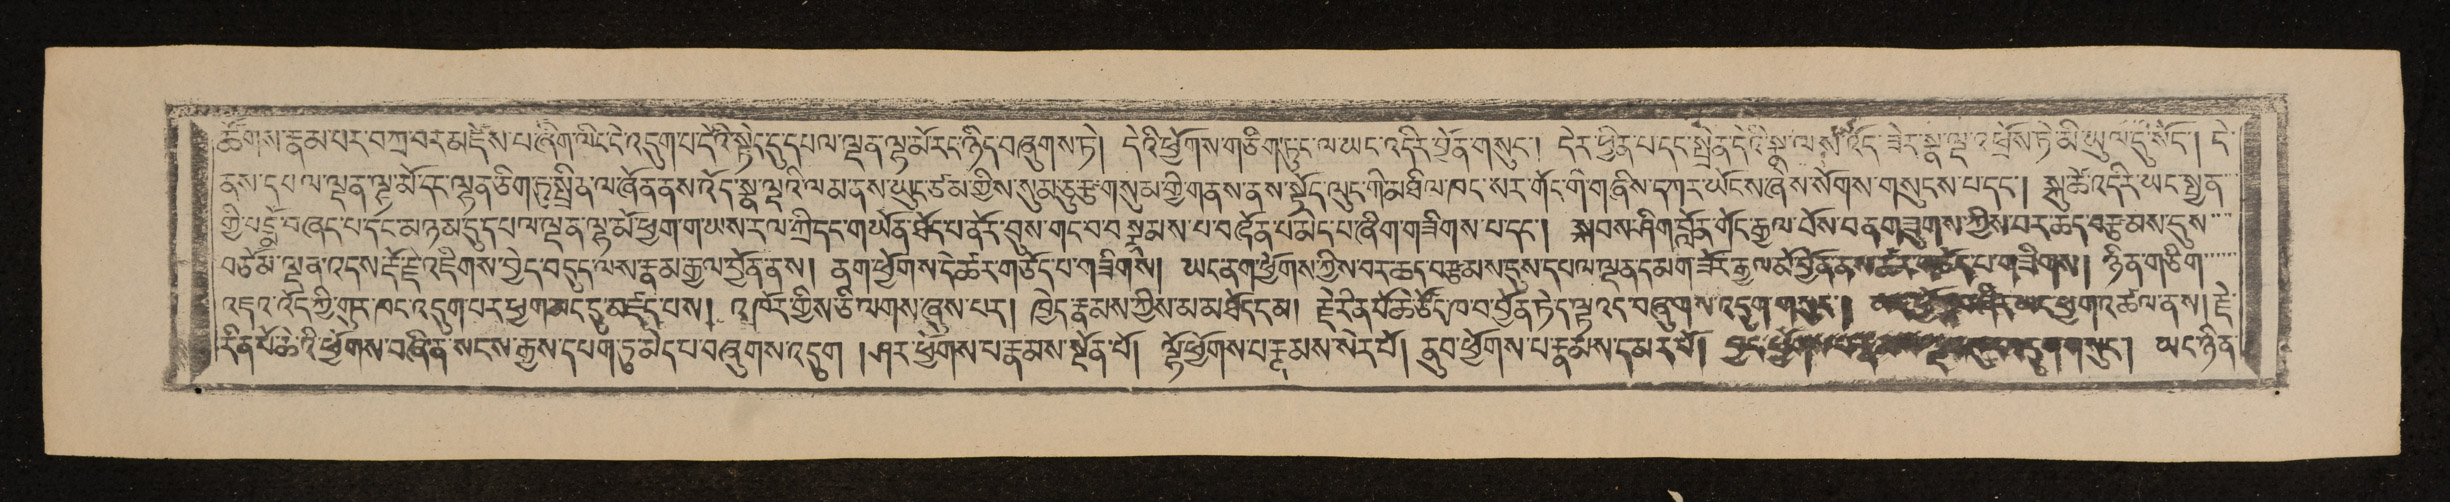ཆགས་རྣམ་པར་བཀྲ་བར་མཛེས་པ་ཞིག་ལིང་དེ་འདུག་པ་དེའི་སྟེང་དུ་དཔལ་ལྡན་ལྷ་མོ་རང་ཉིད་བཞུགས་ཏེ། དེའི་ཕྱོགས་གཅིག་ཏུ་ངལ་ཡང་འདིར་བྱོན་གསུང་། དེར་ཕྱིན་པ་དང་སྤྲིན་དེའི་སྣ་ལས་འོད་ཟེར་སྣ་ལྔ་འཕྲོས་ཏེ་མི་ཡུལ་དུ་སོང་། དེ་
ནས་དཔལ་ལྡན་ལྷ་མོ་དང་ལྷན་ཅིག་ཏུ་སྤྲིན་ལ་ཞོན་ནས་འོད་སྣ་ལྔའི་ལམ་ནས་ཡུད་ཙམ་གྱིས་སུམ་ཅུ་རྩ་གསུམ་གྱི་གནས་ནས་སྟོད་ལུང་གི་མཐིལ་ཁང་སར་གོང་གི་གཞིས་དཀར་ཡོངས་ཞེས་སོགས་གསུངས་པ་དང་། སྐུ་ཚེ་འདིར་ཡང་སྦྱན་
གྱི་པདམོ་བཞད་པ་དང་མཉམ་དུ་དཔལ་ལྡན་ལྷ་མོ་ཕྱག་གཡས་རལ་གྲི་དང་གཡོན་ཐོད་པ་ནོར་བུས་གང་བ་བསྣམས་པ་བཞོན་པ་མེད་པ་ཞིག་གཟིགས་པ་དང་། སྐབས་ཤིག་བློན་གོང་རྒྱལ་པོས་བན་གཟུགས་ཀྱིས་བར་ཆད་བརྩམས་དུས་
བཅོམ་ལྡན་འདས་རྡོ་རྗེ་འཇིགས་བྱེད་བདུད་ལས་རྣམ་རྒྱལ་བྱོན་ནས། ནག་ཕྱོགས་དེ་ཚར་གཅོད་པ་གཟིགས། ཡང་ནག་ཕྱོགས་ཀྱིས་བར་ཆད་བརྩམས་དུས་དཔལ་ལྡན་དམག་ཟོར་རྒྱལ་མོ་བྱོན་ནས་ཚར་གཅོད་པ་གཟིགས། ཉིན་གཅིག་
འཇའ་འོད་ཀྱི་གུར་ཁང་འདུག་པར་ཕྱག་མང་དུ་མཛད་པས། འཁོར་གྱིས་ཅི་ལགས་ཞུས་པར། ཁྱེད་རྣམས་ཀྱིས་མ་མཐོང་ངམ། རྗེ་རིན་པོ་ཆེ་ཙོང་ཁ་བ་བྱོན་ཏེ་ད་ལྟའང་བཞུགས་འདུག་གསུང་། ཡང་ཕྱོགས་བཞིར་ཡང་ཕྱག་འཚལ་ནས། རྗེ་
རིན་པོ་ཆེའི་ཕྱོགས་བཞིན་སངས་རྒྱས་དཔག་ཏུ་མེད་པ་བཞུགས་འདུག །ཤར་ཕྱོགས་པ་རྣམས་སྔོན་པོ། ལྷོ་ཕྱོགས་པ་རྣམས་སེར་པོ། ནུབ་ཕྱོགས་པ་རྣམས་དམར་པོ། བྱང་ཕྱོགས་པ་རྣམས་ལྗང་ཁུར་འདུག་གསུང་། ཡང་ཉིན་